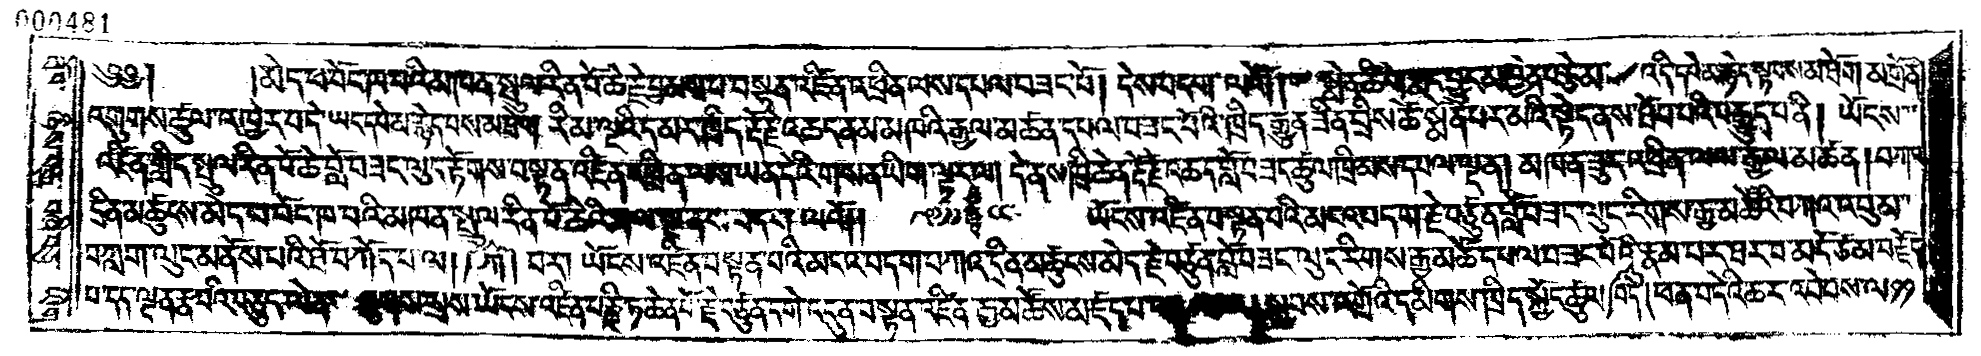༄༅། །མེད་ཕ་བོང་ཀ་བའི་མཁན་སྤྲུལ་རིན་པོ་ཆེ་རྗེ་བྱམས་པ་བསྟན་འཛིན་འཕྲིན་ལ་དཔལ་བཟང་པོ། དེས་བདག་ལའོ། །༤་སྨེན་ཚིག་རྨད་བྱུང་མཁྱེན་བརྩེ་མ་འདི་དཔེ་མ་རྙེད་སྟབས་མ་ཐོབ། མགྲོན་
འགུགས་ཚུལ་འཁྱེར་བདེ་ཡང་དཔེ་མ་རྙེད་པས་མ་ཐོབ། རིམ་ལྔའི་དམར་ཁྲིད་རྡོ་རྗེ་འཆང་ནམ་མཁའི་རྒྱལ་མཚན་དཔལ་བཟང་པོའི་ཁྲིད་རྒྱུན་ཟིན་བྲིས་ཚེ་སྨོན་པར་མའི་སྟེང་ནས་ཐོབ་པའི་བརྒྱུད་པ་ནི། ཡོངས་
འཛིན་གླིང་སྤྲུལ་རིན་པོ་ཆེ་བློ་བཟང་ལུང་རྟོགས་བསྟན་འཛིན་འཕྲིན་ལས་ཡན་དེའི་གསན་ཡིག་ལྟར། དེ་ནས་ཁྲི་ཆེན་རྡོ་རྗེའི་འཆད་བློ་བཟང་ཚུལ་ཁྲིམས་དཔལ་ལྡན། མཁན་ཟུར་འཕྲིན་ལས་རྒྱལ་མཚན། བཀའ་
དྲིན་མཚུངས་མེད་པ་བོང་ཁ་བའི་མཁན་སྤྲུལ་རིན་པོ་ཆེའི་ཞལ་སྔ་ནས་བདག་ལའོ།། ༈ ཡོངས་ཛིན་བསྟན་པའི་མངའ་བདག་རྗེ་བཙུན་བློ་བཟང་ལུང་རིགས་རྒྱ་མཚོའི་བཀའ་འབུམ་
བཀླག་ལུང་མནོས་པའི་ཐོ་བཀོད་པ་ལ། ༼ཀ༽ བར། ཡོངས་འཛིན་བསྟན་པའི་མངའ་བདག་བཀའ་དྲིན་མཚུངས་མེད་རྗེ་བཙུན་བློ་བཟང་ལུང་རིགས་རྒྱ་མཚོ་དཔལ་བཟང་པོའི་རྣམ་པར་ཐར་བ་མདོ་ཙམ་བརྗོད་
པ་དད་ལྡན་རྣ་བའི་བཅུད་ལེན་ཐུགས་སྲས་ཡོངས་འཛིན་པཎྜི་ཏ་ཆེན་པོ་རྗེ་བཙུན་དགེ་འདུན་བསྟན་འཛིན་རྒྱ་མཚོས་མཛད་པ་ལ ༢༠༢། སྐྱབས་འགྲོའི་དམིགས་ཁྲིད་སྐྱོང་ཚུལ ༼བདེ༽ ཕན་བདེའི་ཆར་འབེབས་ལ༡༡